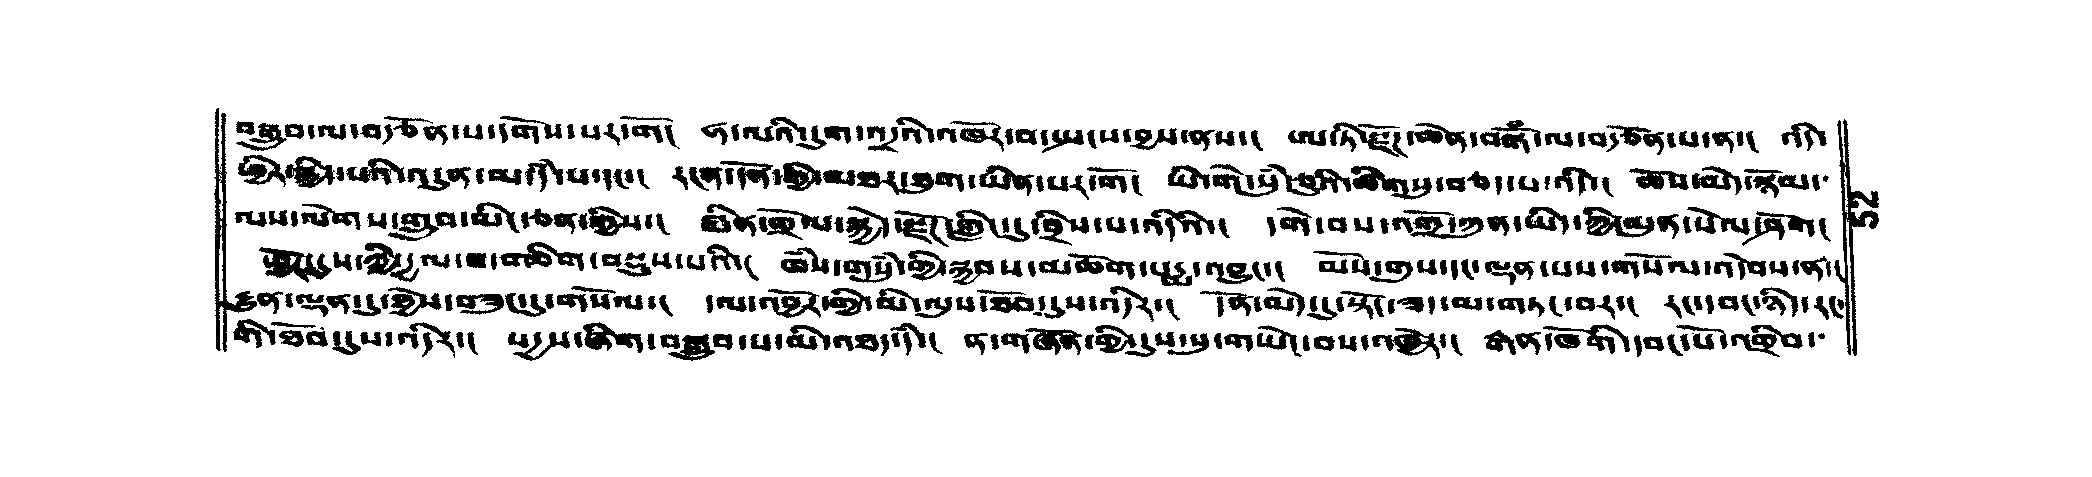བསྒྲུབ་ལ་བརྩོན་པ་དགོས་པར་གོ། །ཧ་ལའི་དུག་འདྲའི་འཁོར་བ་སྤངས་བྱས་ནས། །ཨ་ཏི་རྫོགས་ཆེན་བསྒོམ་ལ་བརྩོན་པ་ན། །འདི་
ཕྱིར་སྐྱིད་པའི་འདུན་མ་དམ་པ་དང་། །རང་གཞན་དོན་གྱི་མཐར་ཐུག་ཡིན་པར་གོ། །ཡི་གེ་སུམ་ཅུའི་ཚིགས་སུ་བཅད་པ་འདི། །ཆོས་མེད་སྙོམ་
ལས་ལེགས་སྒྲུབ་མིང་ཅན་གྱིས། །སྨིན་གྲོལ་བསྐྱེད་རྫོགས་གླིང་དུ་བྲིས་པ་འདིའི། །དགེ་བས་འགྲོ་ཀུན་ཡིད་ཀྱི་མུན་སེལ་ཤོག།༈ 
ཕྱོགས་དུས་ཀྱི་རྒྱལ་བ་གཅིག་བསྡུས་པའི། །ཁམས་གསུམ་གྱི་སྐྱབས་མཆོག་པདྨ་འབྱུང་། །མོས་གུས་དང་ལྡན་པས་གསོལ་འདེབས་ན། །
རྒྱུན་ལྡན་དུ་ཐུགས་རྗེས་བཟུང་དུ་གསོལ། །དལ་འབྱོར་གྱི་མི་ལུས་ཐོབ་དུས་འདིར། །དོན་མེད་དུ་སྟོང་ཟད་མ་གཏང་བར། །རང་དབང་ཉིད་རང་
གི་ཐོབ་དུས་འདིར། །སངས་རྒྱས་ཞིག་བསྒྲུབ་པར་མི་འཐད་དམ། །ན་གཞོན་གྱི་དུས་སུ་གཡེང་བས་འཁྱེར།